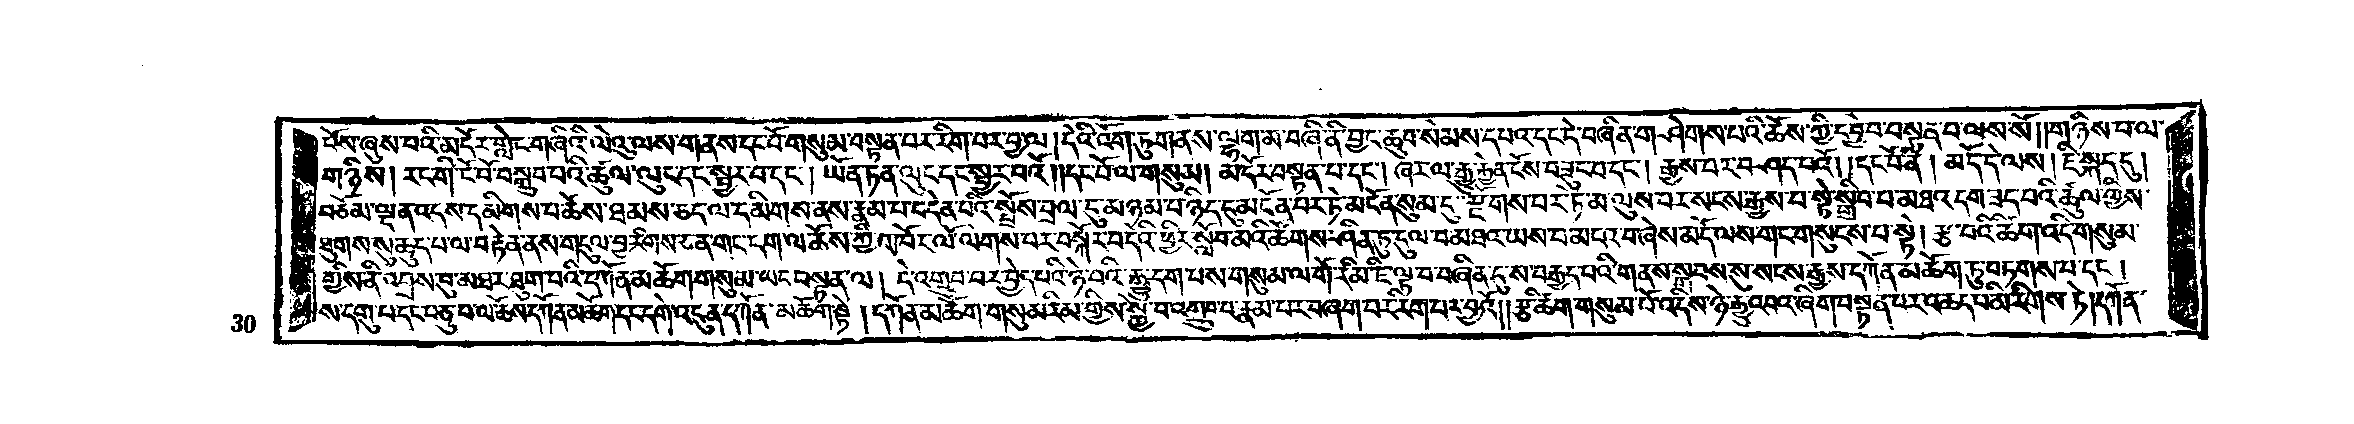པོས་ཞུས་པའི་མདོར་གླེང་གཞིའི་ལེའུ་ལས་གནས་དང་པོ་གསུམ་བསྟན་པར་རིག་པར་བྱ་ལ། དེའི་འོག་ཏུ་གནས་ལྷག་མ་བཞི་ནི་བྱང་ཆུབ་སེམས་དཔའ་དང་དེ་བཞིན་གཤེགས་པའི་ཆོས་ཀྱི་དབྱེ་བ་བསྟན་པ་ལས་སོ། །གཉིས་པ་ལ་
གཉིས། རང་གི་ངོ་བོ་བསྒྲུབ་པའི་ཚུལ་ལུང་དང་སྦྱར་བ་དང་། ཡོན་ཏན་ལུང་དང་སྦྱར་བའོ། །དང་པོ་ལ་གསུམ། མདོར་བསྟན་པ་དང་། ཞར་ལ་རྒྱུ་རྐྱེན་ངོས་བཟུང་བ་དང་། རྒྱས་པར་བཤད་པའོ། །དང་པོ་ནི། མདོ་དེ་ལས། ཇི་སྐད་དུ།
བཅོམ་ལྡན་འདས་དམིགས་པ་ཆོས་ཐམས་ཅད་ལ་དམིགས་ནས་རྣམ་པ་བདེན་པའི་སྤྲོས་བྲལ་དུ་མཉམ་པ་ཉིད་དུ་མངོན་པར་ཏེ་མངོན་སུམ་དུ་རྫོགས་པར་ཏེ་མ་ལུས་པར་སངས་རྒྱས་པ་སྟེ་སྒྲིབ་པ་མཐའ་དག་ཟད་པའི་ཚུལ་གྱིས་
ཐུགས་སུ་ཆུད་པ་ལ་བརྟེན་ནས་གདུལ་བྱ་རིགས་ཅན་གང་དག་ལ་ཆོས་ཀྱི་འཁོར་ལོ་ལེགས་པར་བསྐོར་བདེའི་ཕྱིར་སློབ་མའི་ཚོགས་ཤིན་ཏུ་དུལ་བ་མཐའ་ཡས་པ་མངའ་བ་ཞེས་མདོ་ལས་གང་གསུངས་པ་སྟེ། རྩ་བའི་ཚིག་འདི་གསུམ་
གྱིས་ནི་འབྲས་བུ་མཐར་ཐུག་པའི་དཀོན་མཆོག་གསུམ་ཡང་བསྟན་ལ། དེ་འགྲུབ་པར་བྱེད་པའི་ཉེ་བའི་རྒྱུ་དག་པས་གསུམ་ལ་གོ་རིམ་ཇི་ལྟ་བ་བཞིན་དུ་ས་བརྒྱད་པའི་གནས་སྒབས་སུ་སངས་རྒྱས་དཀོན་མཆོག་ཏུ་བཏགས་པ་དང་།
ས་དགུ་པ་དང་བཅུ་པ་ལ་ཆོས་དཀོན་མཆོག་དང་དགེ་འདུན་དཀོན་མཆོག་སྟེ། དཀོན་མཆོག་གསུམ་རིམ་གྱིས་སྐྱེ་བ་འགྲུབ་པ་རྣམ་པར་བཞག་པར་རིག་པར་བྱའོ། །རྩ་ཚིག་གསུམ་པོ་འདིས་ཉེ་རྒྱུ་འབའ་ཞིག་བསྟན་པར་འཆད་པ་མི་རིགས་ཏེ། དཀོན་